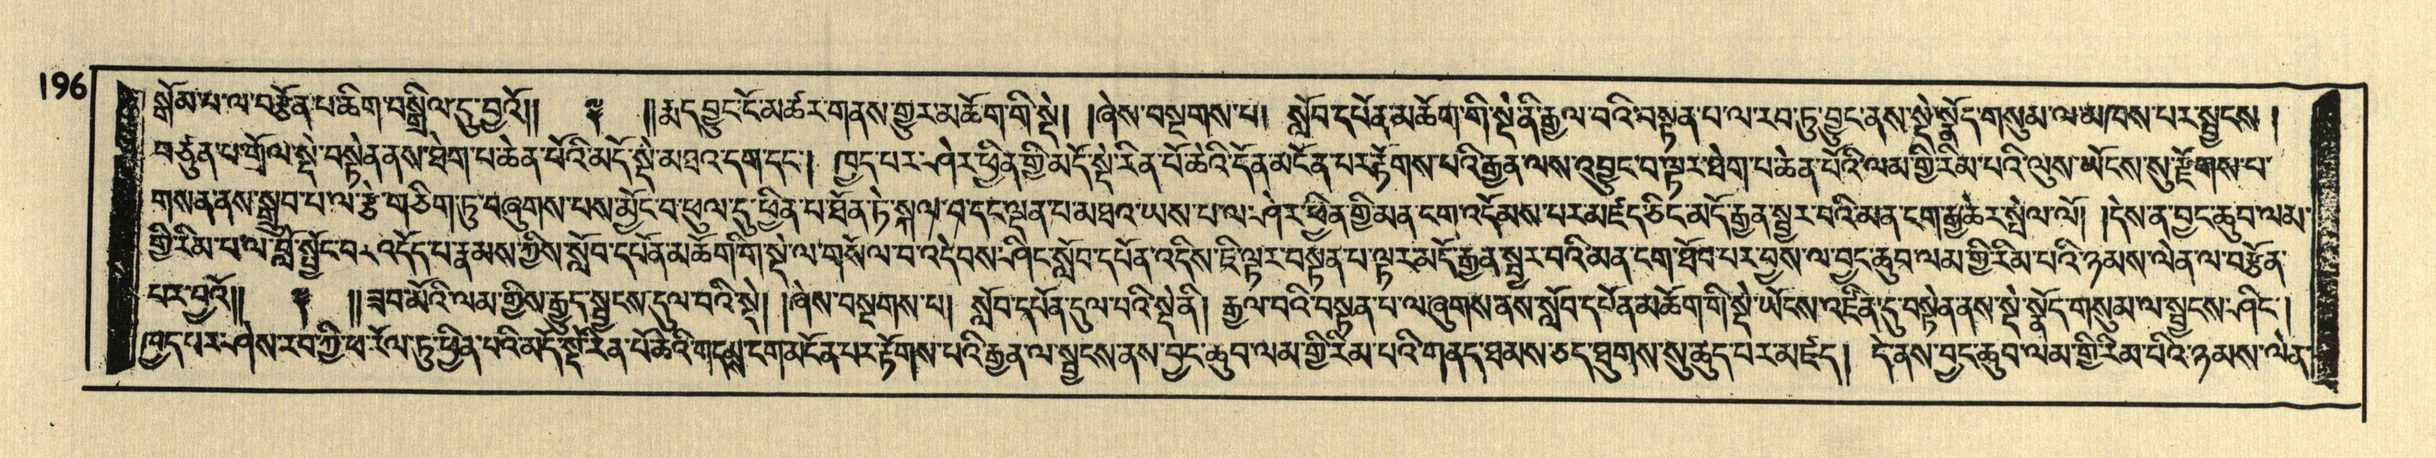སྒོམ་པ་ལ་བརྩོན་པ་ཆིག་བསྒྲིལ་དུ་བྱའོ།། ༈ །།རྨད་བྱུང་ངོ་མཚར་གནས་གྱུར་མཆོག་གི་སྡེ། །ཞེས་བསྔགས་པ། སློབ་དཔོན་མཆོག་གི་སྡེ་ནི་རྒྱལ་བའི་བསྟན་པ་ལ་རབ་ཏུ་བྱུང་ནས་སྡེ་སྣོད་གསུམ་ལ་མཁས་པར་སྦྱངས།
བཙུན་པ་གྲོལ་སྡེ་བསྟེན་ནས་ཐེག་པ་ཆེན་པོའི་མདོ་སྡེ་མཐའ་དག་དང་། ཁྱད་པར་ཤེར་ཕྱིན་གྱི་མདོ་སྡེ་རིན་པོ་ཆེའི་དོན་མངོན་པར་རྟོགས་པའི་རྒྱན་ལས་འབྱུང་བ་ལྟར་ཐེག་པ་ཆེན་པོའི་ལམ་གྱི་རིམ་པའི་ལུས་ཡོངས་སུ་རྫོགས་པ་
གསན་ནས་སྒྲུབ་པ་ལ་རྩེ་གཅིག་ཏུ་བཞུགས་པས་མྱོང་བ་ཕུལ་དུ་ཕྱིན་པ་ཐོན་ཏེ་སྐལ་བ་དང་ལྡན་པ་མཐའ་ཡས་པ་ལ་ཤེར་ཕྱིན་གྱི་མན་ངག་འདོམས་པར་མཛད་ཅིང་མདོ་རྒྱན་སྦྱར་བའི་མན་ངག་རྒྱ་ཆེར་སྤེལ་ལོ། །དེས་ན་བྱང་ཆུབ་ལམ་
གྱི་རིམ་པ་ལ་བློ་སྦྱོང་བར་འདོད་པ་རྣམས་ཀྱིས་སློབ་དཔོན་མཆོག་གི་སྡེ་ལ་གསོལ་བ་འདེབས་ཤིང་སློབ་དཔོན་འདིས་ཇི་ལྟར་བསྟན་པ་ལྟར་མདོ་རྒྱན་སྦྱར་བའི་མན་ངག་ཐོབ་པར་བྱང་ཆུབ་ལམ་གྱི་རིམ་པའི་ཉམས་ལེན་ལ་བརྩོན་
པར་བྱའོ།། ༈ །།ཟབ་མོའི་ལམ་གྱིས་རྒྱུད་སྦྱངས་དུལ་བའི་སྡེ། །ཞེས་བསྔགས་པ། སློབ་དཔོན་དུལ་བའི་སྡེ་ནི། རྒྱལ་བའི་བསྟན་པ་ལ་ཞུགས་ནས་སློབ་དཔོན་མཆོག་གི་སྡེ་ཡོངས་འཛིན་དུ་བསྟེན་ནས་སྡེ་སྣོད་གསུམ་ལ་སྦྱངས་ཤིང་།
ཁྱད་པར་ཤེས་རབ་ཀྱི་ཕ་རོལ་ཏུ་ཕྱིན་པའི་མདོ་སྡེ་རིན་པོ་ཆེའི་གདམས་ངག་མངོན་པར་རྟོགས་པའི་རྒྱན་ལ་སྦྱངས་ནས་བྱང་ཆུབ་ལམ་གྱི་རིམ་པའི་གནད་ཐམས་ཅད་ཐུགས་སུ་ཆུད་པར་མཛད། དེ་ནས་བྱང་ཆུབ་ལམ་གྱི་རིམ་པའི་ཉམས་ལེན་